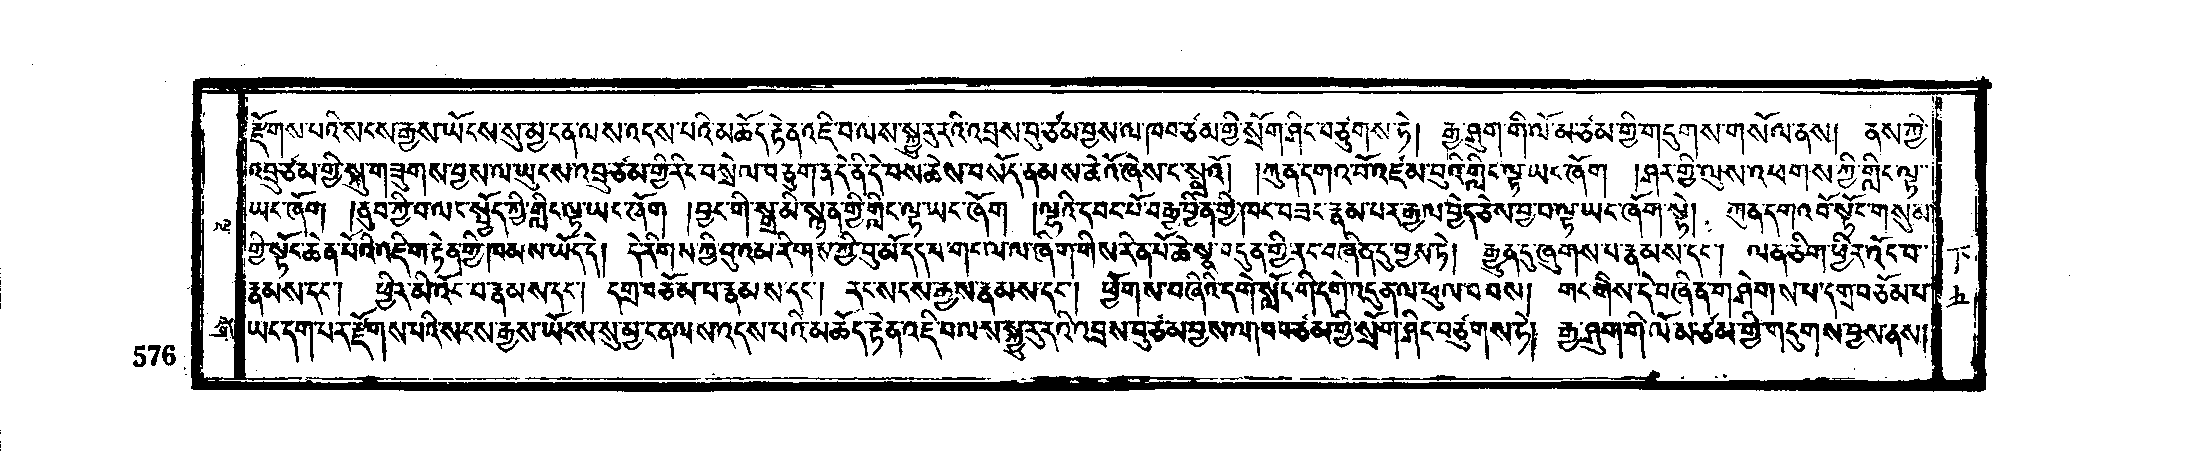རྫོགས་པའི་སངས་རྒྱས་ཡོངས་སུ་མྱ་ངན་ལས་འདས་པའི་མཆོད་རྟེན་འཇི་བ་ལས་སྐྱུ་རུ་རའི་འབྲས་བུ་ཙམ་བྱས་ལ་ཁབ་ཙམ་གྱི་སྲོག་ཤིང་བཙུགས་ཏེ། རྒྱ་ཤུག་གི་ལོ་མ་ཙམ་གྱི་གདུགས་གསོལ་ནས། ནས་ཀྱི་
འབྲུ་ཙམ་གྱི་སྐུ་གཟུགས་བྱས་ལ་ཡུངས་འབྲུ་ཙམ་གྱི་རིང་བསྲེལ་བཅུག་ན་དེ་ནི་དེ་བས་ཆེས་བསོད་ནམས་ཆེའོ་ཞེས་ང་སྨྲའོ། །ཀུན་དགའ་བོ་འཛམ་བུའི་གླིང་ལྟ་ཡང་ཞོག །ཤར་གྱི་ལུས་འཕགས་ཀྱི་གླིང་ལྟ་
ཡང་ཞོག །ནུབ་ཀྱི་བ་ལང་སྤྱོད་ཀྱི་གླིང་ལྟ་ཡང་ཞོག །བྱང་གི་སྒྲ་མི་སྙན་གྱི་གླིང་ལྷ་ཡང་ཞོག །ལྷའི་དབང་པོ་བརྒྱ་བྱིན་གྱི་ཁང་བཟང་རྣམ་པར་རྒྱལ་བྱེད་ཅེས་བྱ་བ་ལྟ་ཡང་ཞོག་སྟེ། ཀུན་དགའ་བོ་སྟོང་གསུམ་
གྱི་སྟོང་ཆེན་པོའི་འཇིག་རྟེན་གྱི་ཁམས་ཡོད་དེ། དེ་རིགས་ཀྱི་བུ་འམ་རིགས་ཀྱི་བུ་མོ་དད་པ་གང་ལ་ལ་ཞིག་གིས་རིན་པོ་ཆེ་སྣ་བདུན་གྱི་རང་བཞིན་དུ་བྱས་ཏེ། རྒྱུན་དུ་ཞུགས་པ་རྣམས་དང་། ལན་ཅིག་ཕྱིར་འོང་བ་
རྣམས་དང་། ཕྱིར་མི་འོང་བ་རྣམས་དང་། དགྲ་བཅོམ་པ་རྣམས་དང་། རང་སངས་རྒྱས་རྣམས་དང་། ཕྱོགས་བཞིའི་དགེ་སློང་གི་དགེ་འདུན་ལ་ཕུལ་བ་བས། གང་གིས་དེ་བཞིན་གཤེགས་པ་དགྲ་བཅོམ་པ་
ཡང་དག་པར་རྫོགས་པའི་སངས་རྒྱས་ཡོངས་སུ་མྱ་ངན་ལས་འདས་པའི་མཆོད་རྟེན་འཇི་བ་ལས་སྐྱུ་རུ་རའི་འབྲས་བུ་ཙམ་བྱས་ལ་ཁབ?་ཙམ་གྱི་སྲོག་ཤིང་བཙུགས་ཏེ། རྒྱ་ཤུག་གི་ལོ་མ་ཙམ་གྱི་གདུགས་བྱས་ནས།